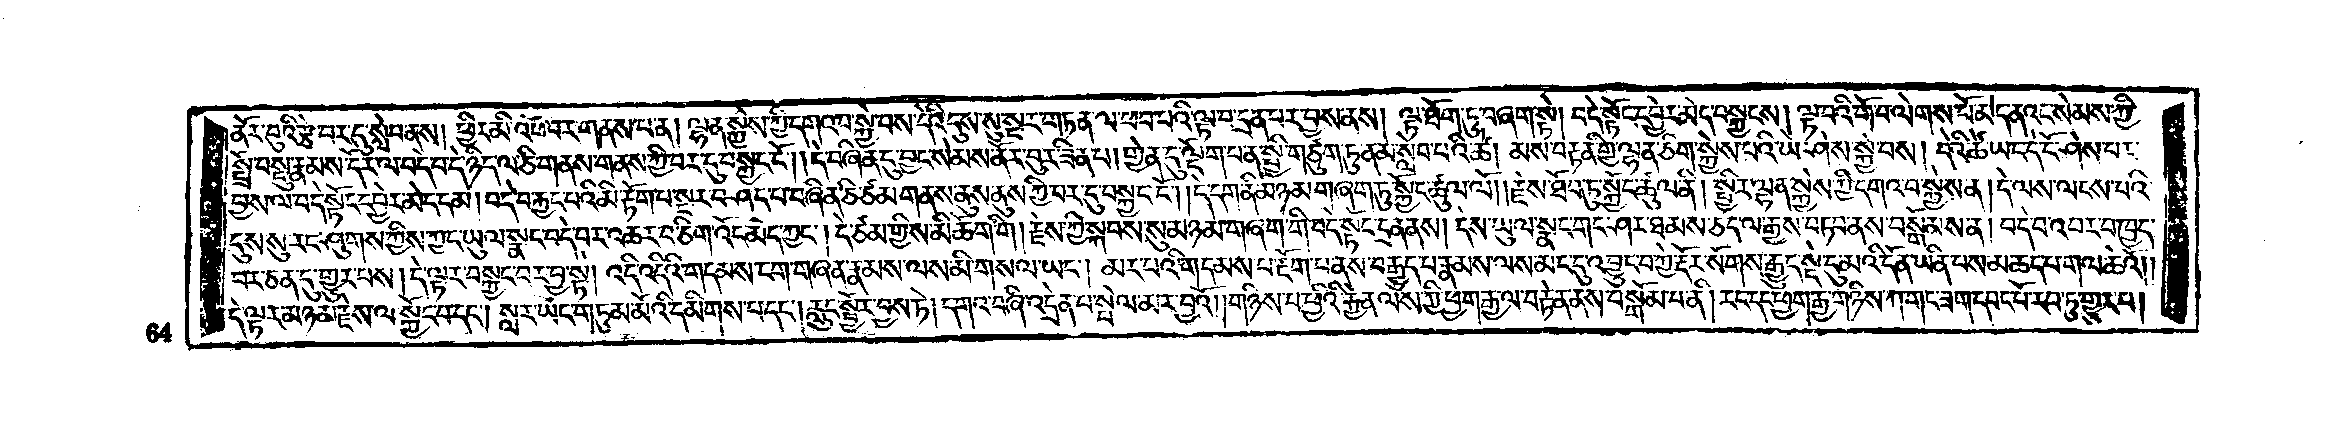ནོར་བུའི་རྩེ་བར་དུ་སླེབ་ནས། ཕྱིར་མི་འབོ་བར་གནས་པ་ན། ལྷན་སྐྱེས་ཀྱི་དགའ་བ་སྐྱེ་བས་དེའི་དུས་སུ་སྔར་གཏན་ལ་ཕབ་པའི་ལྟ་བ་དྲན་པར་བྱས་ནས། ལྟ་ཐོག་ཏུ་བཞག་སྟེ། བདེ་སྟོང་དབྱེར་མེད་བསྐྱངས། ལྟ་བའི་གོ་བ་ལེགས་པོ་མེད་ནའང་སེམས་ཀྱི་
སྤྲོ་བསྡུ་རྣམས་དོར་ལ་བདེ་བ་དེ་ཉིད་ལ་ཅི་གནས་གནས་ཀྱི་བར་དུ་བསྐྱང་ངོ། །དེ་བཞིན་དུ་བྱང་སེམས་ནོར་བུར་ཟིན་པ། གྱེན་དུ་ལྡོག་པ་ན་སྤྱི་གཙུག་ཏུ་ནམ་སླེབ་པའི་ཚེ། མས་བརྟན་གྱི་ལྷན་ཅིག་སྐྱེས་པའི་ཡེ་ཤེས་སྐྱེ་བས། དེའི་ཚེ་ཡང་དེ་ངོ་ཤེས་པར་
བྱས་ལ་བདེ་སྟོང་དབྱེར་མེད་དམ། བདེ་བ་རྐྱང་པའི་མི་རྟོག་པ་སྔར་བཤད་པ་བཞིན་ཅི་ཙམ་གནས་ནུས་ནུས་ཀྱི་བར་དུ་བསྐྱང་ངོ། །དེ་དག་ནི་མཉམ་གཞག་ཏུ་སྐྱོང་ཚུལ་ལོ། །རྗེས་ཐོབ་ཏུ་སྐྱོང་ཚུལ་ནི། སྤྱིར་ལྷན་སྐྱེས་ཀྱི་དགའ་བ་སྐྱེས་ན། དེ་ལས་ལངས་པའི་
དུས་སུ་རང་ཤུགས་ཀྱིས་ཀྱང་ཡུལ་སྣང་བདེ་བར་འཆར་བ་ཅིག་འོང་མེད་ཀྱང་། དེ་ཙམ་གྱིས་མི་ཆོག་གི །རྗེས་ཀྱི་སྐབས་སུ་མཉམ་གཞག་གི་བདེ་སྟོང་དྲན་ནས། དེས་ཡུལ་སྣང་གང་ཤར་ཐམས་ཅད་ལ་རྒྱས་བཏབ་ནས་བསྒོམས་ན། བདེ་བ་འབར་བ་ཁྱད་
པར་ཅན་དུ་གྱུར་པས། དེ་ལྟར་བསྐྱང་བར་བྱ་སྟེ། འདི་འདིའི་གདམས་ངག་གཞན་རྣམས་ལས་མི་གསལ་ཡང་། མར་པའི་གདམས་པ་རྔོག་པ་ནས་བརྒྱུད་པ་རྣམས་ལས་མང་དུ་འབྱུང་བ་ཀྱེ་རྡོར་སོགས་རྒྱུད་སྡེ་དུ་མའི་དོན་ཡིན་པས་མ་ཆད་པ་གལ་ཆེའོ། །
དེ་ལྟར་མཉམ་རྗེས་ལ་སྐྱོང་བ་དང་། སླར་ཡང་གཏུམ་མོའི་དམིགས་པ་དང་། རླུང་སྦྱོར་བྱས་ཏེ། དགའ་བཞི་འདྲེན་པ་སྤེལ་མར་བྱའོ། །གཉིས་པ་ཕྱིའི་རྐྱེན་ལས་ཀྱི་ཕྱག་རྒྱ་ལ་བརྟེན་ནས་བསྒོམ་པ་ནི། རང་དང་ཕྱག་རྒྱ་གཉིས་ཀ་གང་ཟག་དབང་པོ་རབ་ཏུ་གྱུར་པ།